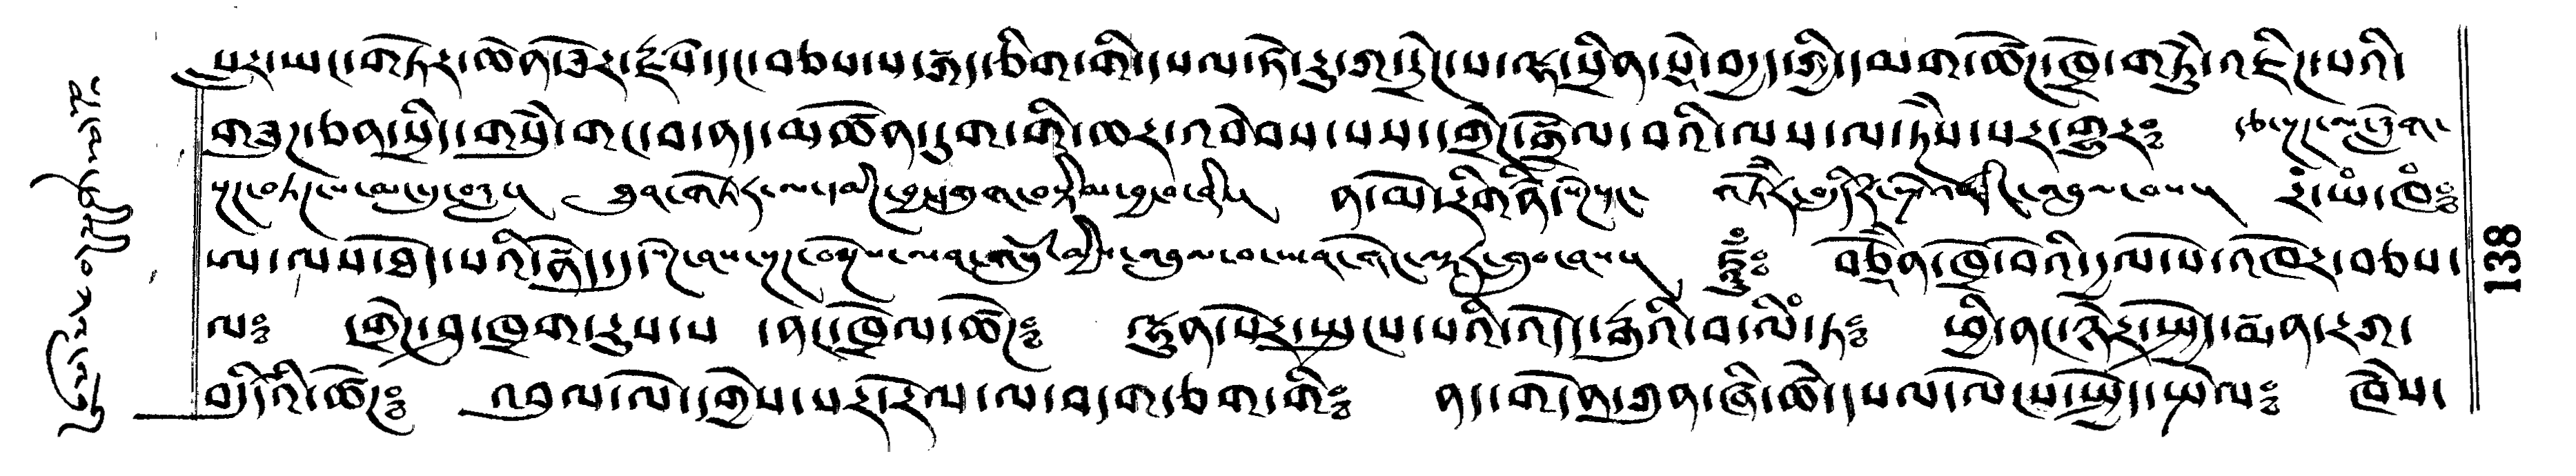སླར་ཡང་གཏོར་ཆེན་ཟོར་རྫས་དང་བཅས་པ་སྐད་ཅིག་གི་དཔལ་ཧེ་རུ་ཀ་དྲེགས་པ་ལྷ་སྲིན་སྡེ་བརྒྱད་ཀྱི་དམག་ཚོགས་ཁྲོ་གཏུམ་འཇིགས་པའི་
གཟུགས་ཅན་སྲིད་གསུམ་གང་བ་ནད་མཚོན་དུག་གི་ཆར་འབེབས་པས་དགྲ་བགེགས་སྒྲོལ་བའི་ལས་ལ་རྔམས་པར་གྱུར། རྩ་སྔགས་ལ་ཟློག་
སྔགས་བཏགས་པ་མང་དུ་བཟླ། ཐུན་གཏོར་ལ་དམིགས་བྱ་དགུག་བསྟིམ་བྱ་བ་ནི། ན་མོ། རིག་འཛིན་སོགས་དང་། གཏོར་མ་བདུད་རྩིར་སྤེལ་ཞིང་འབུལ་བས། རྃ་ཡྃ་ཁྃ༔ 
ཨ་ལས་ཐོད་པའི་སྣོད་དུ་སོགས་ནས་སྔགས་བསྔོས་ལན་གསུམ་གྱིས་འབུལ་བ་ཡན་གོང་ལྟར་གྲུབ་ནས། ཧཱུྃ༔ བཅོམ་ལྡན་ཁྲོ་བོའི་རྒྱལ་པོ་འཁོར་བཅས་
ལ༔ དགྲ་བགེགས་ཤ་ཁྲག་རུས་པ་ནང་ཁྲོལ་ཚོགས༔ ལྷུན་པོར་སྤུངས་པའི་འདོད་རྒུའི་བ་ལིཾ་ཏ༔ཕྱི་ནང་ཉེར་སྤྱོད་སྨན་རཀ་
བདུད་རྩིའི་ཚོགས༔ འབུལ་ལོ་དགྱེས་པར་རོལ་ལ་བདག་ཅག་གི༔ ནད་གདོན་ཀུན་ཞི་ཚེ་དཔལ་ལོངས་སྤྱོད་སྤེལ༔ ཁམས་